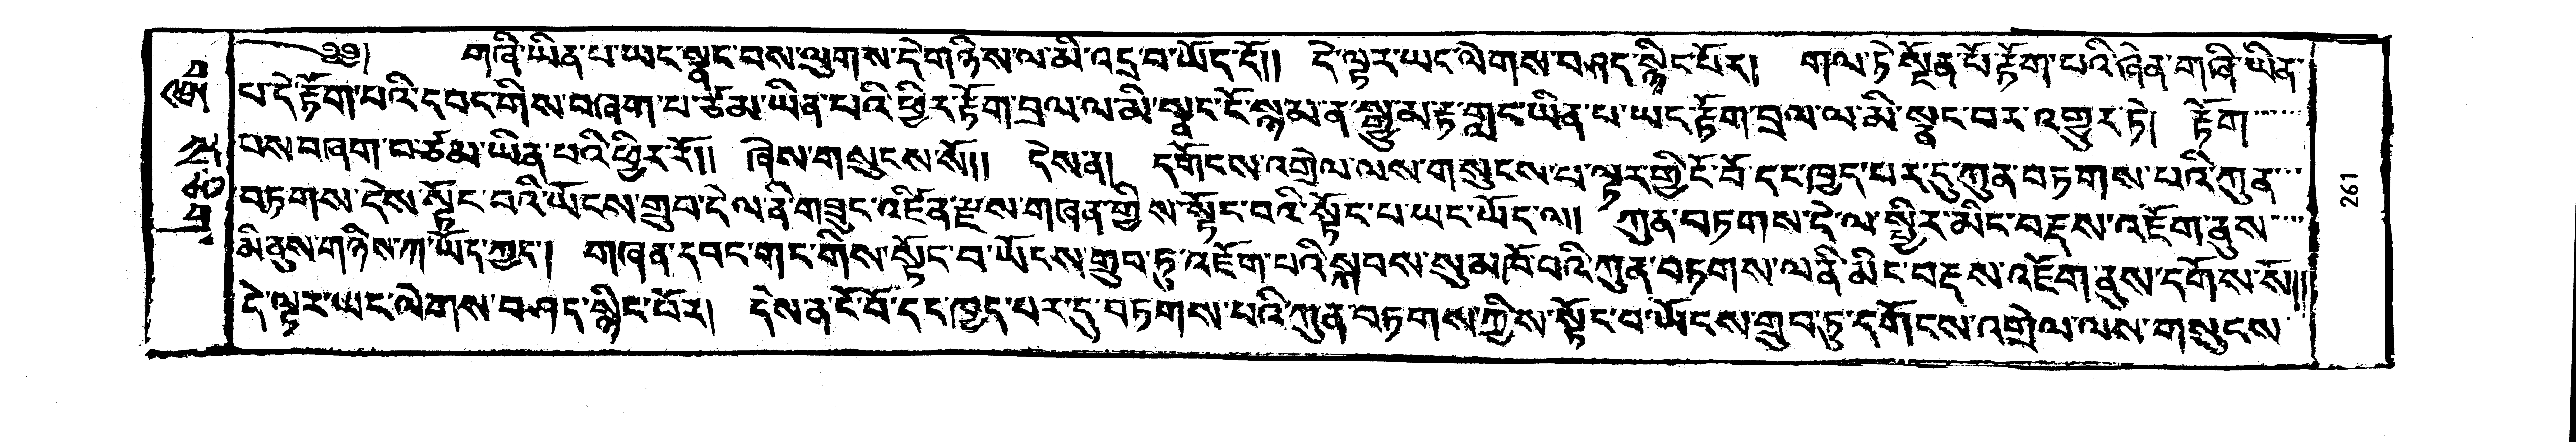༄༅། །གཞི་ཡིན་པ་ཡང་སྣང་བས་ལུགས་དེ་གཉིས་ལ་མི་འདྲ་བ་ཡོད་དོ། །དེ་ལྟར་ཡང་ལེགས་བཤད་སྙིང་པོར། གལ་ཏེ་སྔོན་པོ་རྟོག་པའི་ཞེན་གཞི་ཡིན་
པ་དེ་རྟོག་པའི་དབང་གིས་བཞག་པ་ཙམ་ཡིན་པའི་ཕྱིར་རྟོག་བྲལ་ལ་མི་སྣང་ངོ་སྙམ་ན་སྒྱུ་མ་རྟ་གླང་ཡིན་པ་ཡང་རྟོག་བྲལ་ལ་མི་སྣང་བར་འགྱུར་ཏེ། རྟོག་
པས་བཞག་བ་ཙམ་ཡིན་པའི་ཕྱིར་རོ། །ཞེས་གསུངས་སོ། །དེས་ན། དགོངས་འགྲེལ་ལས་གསུངས་པ་ལྟར་གྱི་ངོ་བོ་དང་ཁྱད་པར་དུ་ཀུན་བཏགས་པའི་ཀུན་
བཏགས་དེས་སྟོང་བའི་ཡོངས་གྲུབ་དེ་ལ་ནི་གཟུང་འཛིན་རྫས་གཞན་གྱིས་སྟོང་བའི་སྟོང་བ་ཡང་ཡོད་ལ། ཀུན་བཏགས་དེ་ལ་སྤྱིར་མིང་བརྡས་འཇོག་ནུས་
མི་ནུས་གཉིས་ཀ་ཡོད་ཀྱང་། གཞན་དབང་གང་གིས་སྟོང་བ་ཡོངས་གྲུབ་ཏུ་འཇོག་པའི་སྐབས་སུ་མཁོ་བའི་ཀུན་བཏགས་ལ་ནི་མིང་བརྡས་འཇོག་ནུས་དགོས་སོ། །
དེ་ལྟར་ཡང་ལེགས་བཤད་སྙིང་པོར། དེས་ན་ངོ་བོ་དང་ཁྱད་པར་དུ་བཏགས་པའི་ཀུན་བཏགས་ཀྱིས་སྟོང་བ་ཡོངས་གྲུབ་ཏུ་དགོངས་འགྲེལ་ལས་གསུངས་